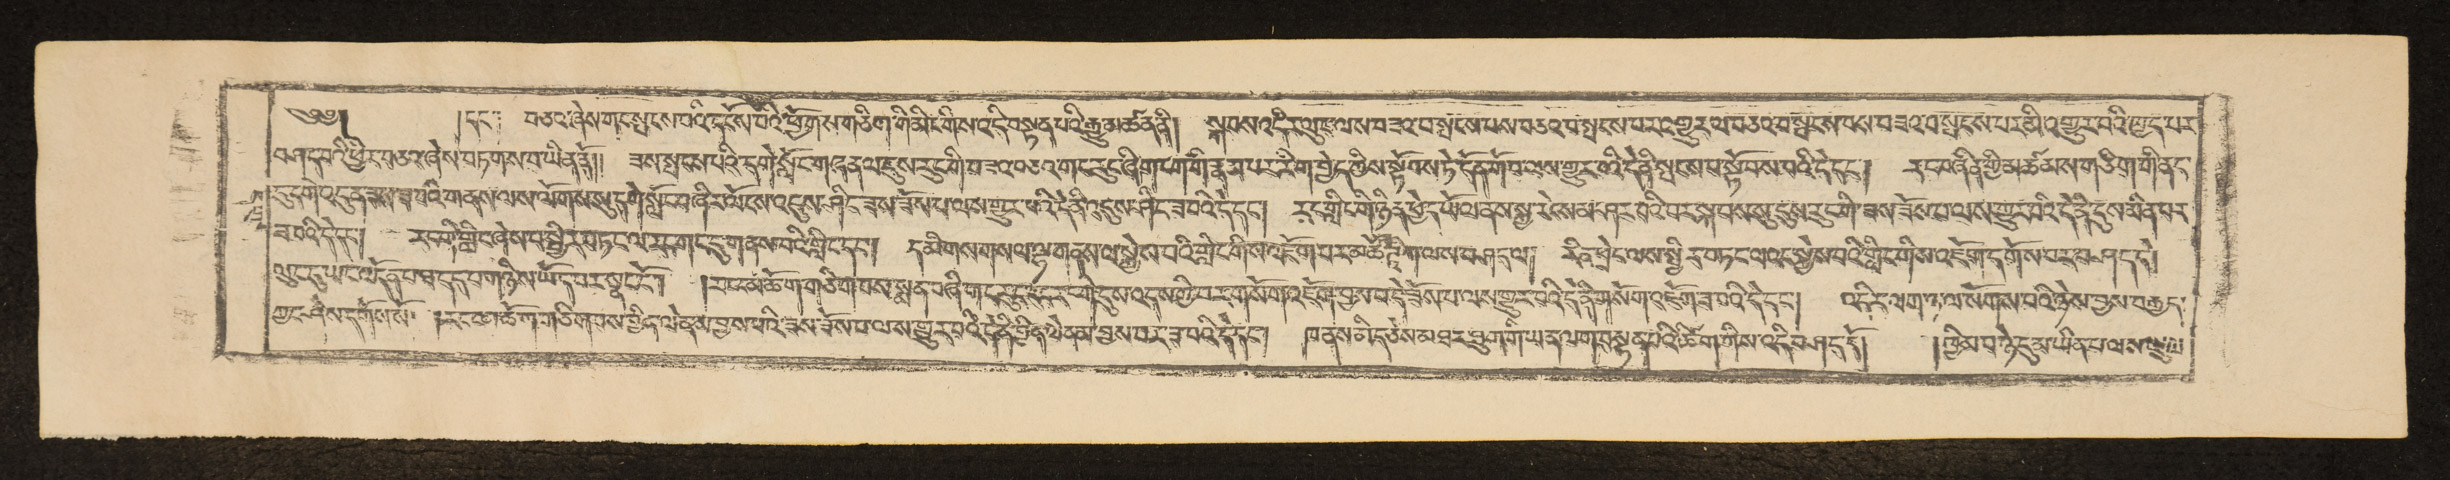༄༅། །དང༑ བཅའ་ཞེས་གང་སྤངས་པའི་དངོས་པའི་ཕྱོགས་གཅིག་གི་མིང་གིས་འདི་བསྟན་པའི་རྒྱུ་མཚན་ནི། སྐབས་འདིར་ལུང་ལས་བཟའ་བ་སྤངས་པས་བཅའ་བ་སྤངས་བར་འགྱུར་ལ་བཅའ་བ་སྦངས་པས་བཟའ་བ་སྤངས་པར་མི་འགྱུར་བའི་ཁྱད་པར་
བཤད་བའི་ཕྱིར་བཅའ་ཞེས་བཏགས་པ་ཡིན་ནོ།། ཟས་སྤངས་པའི་དགེ་སློང་གཞན་ལ་དུས་རུང་གི་བཟའ་བཅའ་གང་རུང་ཞིག་ངག་གི་རྣམ་པར་རིག་བྱེད་ཀྱིས་སྟོབས་ཏེ་དོན་གོ་བ་ལས་གྱུར་བའི་དེ་ནི་སྤངས་བ་སྟོབས་པའི་དེ་དང་། རང་བཞིན་གྱི་མཚམས་གཅིག་གི་ནང་
དུ་དགེ་འདུན་ཟས་ཟ་བའི་གནས་ལས་ལོགས་སུ་དགེ་སློང་བཞིར་ལོངས་འདུས་ཤིང་ཟས་ཟོས་པ་ལས་གྱུར་པའི་དེ་ནི་འདུས་ཤིང་ཟ་བའི་དེ་དང་། རང་གླིང་གི་ཉིན་བྱེད་ཡོལ་ནས་སྐྱ་རེངས་མ་ཤར་བའི་བར་སྐབས་སུ་དུས་རུང་གི་བས་ཟོས་པ་ལས་ཀྱུང་བའི་དེ་ནི་དུས་མིན་པར་
ཟ་བའི་དེ་དང་། རང་གི་གླིང་ཞེས་པ་སྦྱིར་བཏང་ལ་རང་གང་དུ་གནས་པའི་གླིང་དང་། དམིགས་གསལ་ལྷ་གནས་ལ་སྐྱེས་པའི་གླིང་གིས་འཇོག་པར་མཚོ་ཊཱིཀ་ལས་བཤད་ལ། རིན་ཕྲེང་ལས་སྦྱིར་བཏང་ལའང་སྐྱེས་པའི་གླིང་གིས་འཇོག་དགོས་པར་བཤད་དེ།
ལུང་དུ་ཡང་འདོན་པ་ཐ་དད་པ་གཉིས་ཡོད་པར་སྣང་ངོ། །རང་དམ་ཆོག་གཅིག་པས་སྨན་བཞི་གང་རུང་རང་རང་གི་དུས་འདས་ཀྱི་བར་གསོག་འཇོག་བྱས་པ་དེ་ཟོས་པ་ལས་གྱུར་བའི་དེ་ནི་གསོག་འཇོག་པ་བའི་དེ་དང་། འདིར་ལག་ཉལ་སོགས་པའི་ཉེས་བྱས་བརྒྱད་
ཀྱང་ཤེས་དགོས་སོ། །རང་དམ་ཆོ་ག་གཅིག་པས་བྱིན་ལེན་མ་བྱས་པའི་ཟས་ཟོས་པ་ལས་གྱུར་བའི་དེ་ནི་བྱིན་ལེན་མ་བྱས་པར་ཟ་བའི་དེ་དང་། ཁ་ནས་མེད་ཅེས་མཐར་ཐུག་གི་ཡན་ལག་བསྟན་པའི་ཚིག་གིས་འདི་བཤད་དོ། །ཁྱིམ་པ་ཉེ་དུ་མ་ཡིན་པ་ལས་ཆུ་ལ་